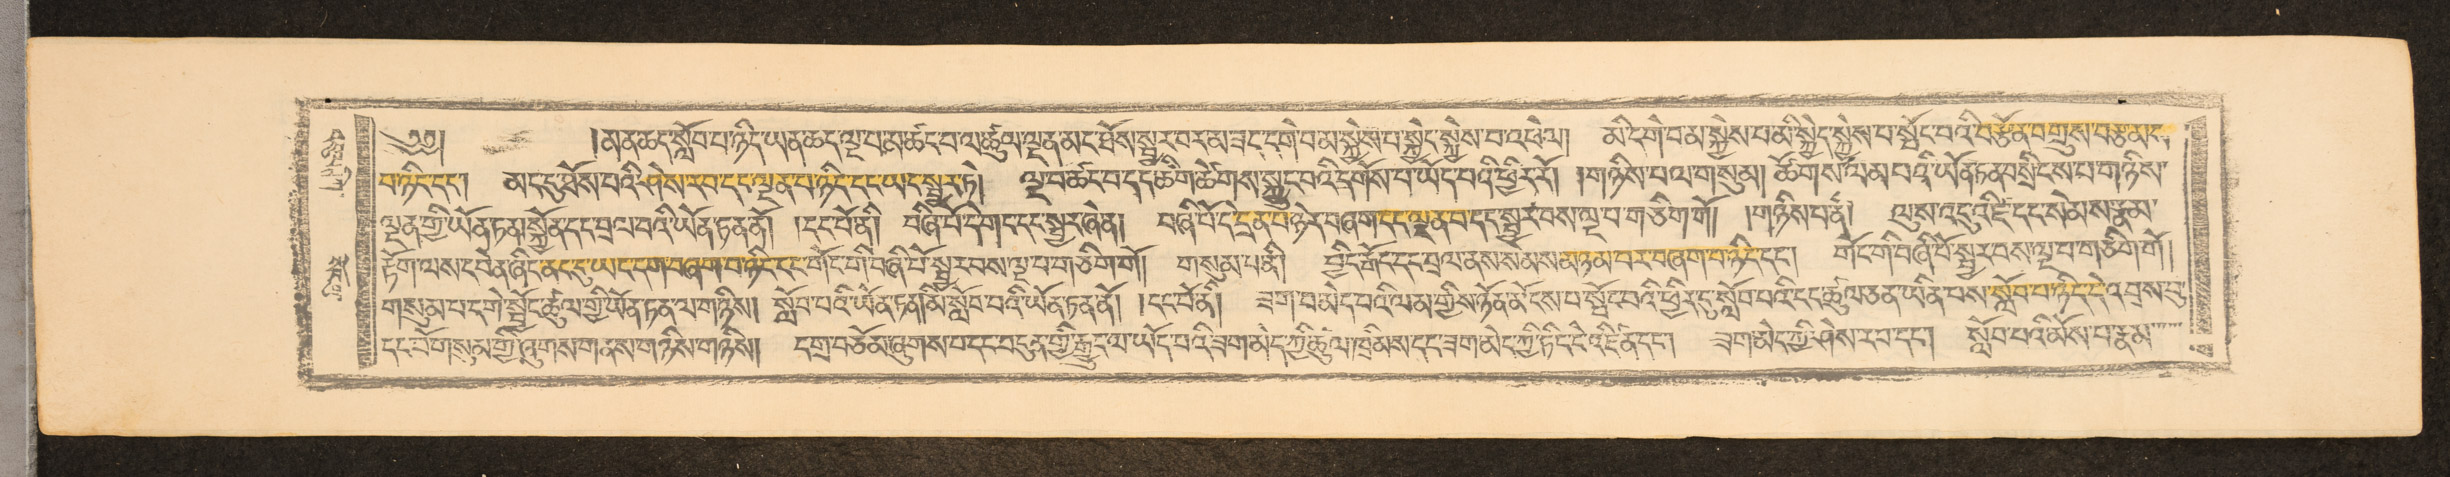༄༅། །མན་ཆད་སློབ་པ་ཉིད་ཡན་ཆད་ལྔ་པ་མ་ཚང་བ་ལ་ཚུལ་ལྡན་མང་ཐོས་སྦྱར་བར་མ་ཟད་དགེ་བ་མ་སྐྱེས་པ་སྐྱེད་སྐྱེས་པ་འཕེལ། མི་དགེ་བ་མ་སྐྱེས་པ་མི་སྐྱེད་སྐྱེས་པ་སྤོང་བའི་བརྩོན་འགྲུས་བརྩམས་
པ་ཉིད་དང་། མང་དུ་ཐོས་པའི་ཤེས་རབ་དང་ལྡན་པ་ཉིད་དང་ཡང་སྦྱར་ཏེ། ལྔ་པ་ཚང་བ་དང་ཚིག་ཚེགས་སྐྱུང་བའི་དགོས་པ་ཡོད་པའི་ཕྱིར་རོ། །གཉིས་པ་ལ་གསུམ། ཚོགས་ལམ་པའི་ཡོན་ཏན་བསྲིངས་པ་གཉིས་
ལྡན་གྱི་ཡོན་ཏན། སྐྱོན་དང་བྲལ་བའི་ཡོན་ཏན་ནོ། །དང་པོ་ནི། བཞི་པོ་དེ་གང་དང་སྦྱར་ཞེ་ན། བཞི་པོ་དེ་དྲན་པ་ཉེར་བཞག་དང་ལྡན་པ་དང་སྦྱར་བས་ལྔ་པ་གཅིག་གོ། །གཉིས་པ་ནི། ལུས་འདུ་འཛི་དད་སེམས་རྣམ་
རྟོག་ལས་དབེན་ཞིང་ནང་དུ་ཡང་དག་བཞག་པ་ཉིད་དང་གོང་གི་བཞི་པོ་སྦྱར་བས་ལྔ་པ་གཅིག་གོ། གསུམ་པ་ནི། བྱིད་རྒོད་དང་བྲལ་ནས་སེམས་མཉམ་པར་བཞག་པ་ཉིད་དང་། གོང་གི་བཞི་པོ་སྦྱར་བས་ལྔ་པ་གཅིག་གོ།
གསུམ་པ་དགེ་སྦྱོང་ཚུལ་གྱི་ཡོན་ཏན་ལ་གཉིས། སློབ་པའི་ཡོན་ཏན། མི་སློབ་པའི་ཡོན་ཏན་ནོ། །དང་པོ་ནི། ཟག་པ་མེད་པའི་ལམ་གྱིས་ཉོན་མོངས་པ་སྤོང་བའི་ཕྱིར་དུ་སློབ་པའི་ངང་ཚུལ་ཅན་ཡིན་པས་སློབ་པ་ཉིད་དེ་འབྲས་བུ་
དང་པོ་གསུམ་གྱི་ཞུགས་གནས་གཉིས་གཉིས། དགྲ་བཅོམ་ཞུགས་པ་དང་བདུན་གྱི་རྒྱུད་ལ་ཡོད་པའི་ཟག་མེད་ཀྱི་ཚུལ་ཁྲིམས་དང་ཟག་མེད་ཀྱི་ཏིང་ངེ་འཛིན་དང་། ཟག་མེད་ཀྱི་ཤེས་རབ་དང་། སློབ་བའི་མོས་བ་རྣམ་